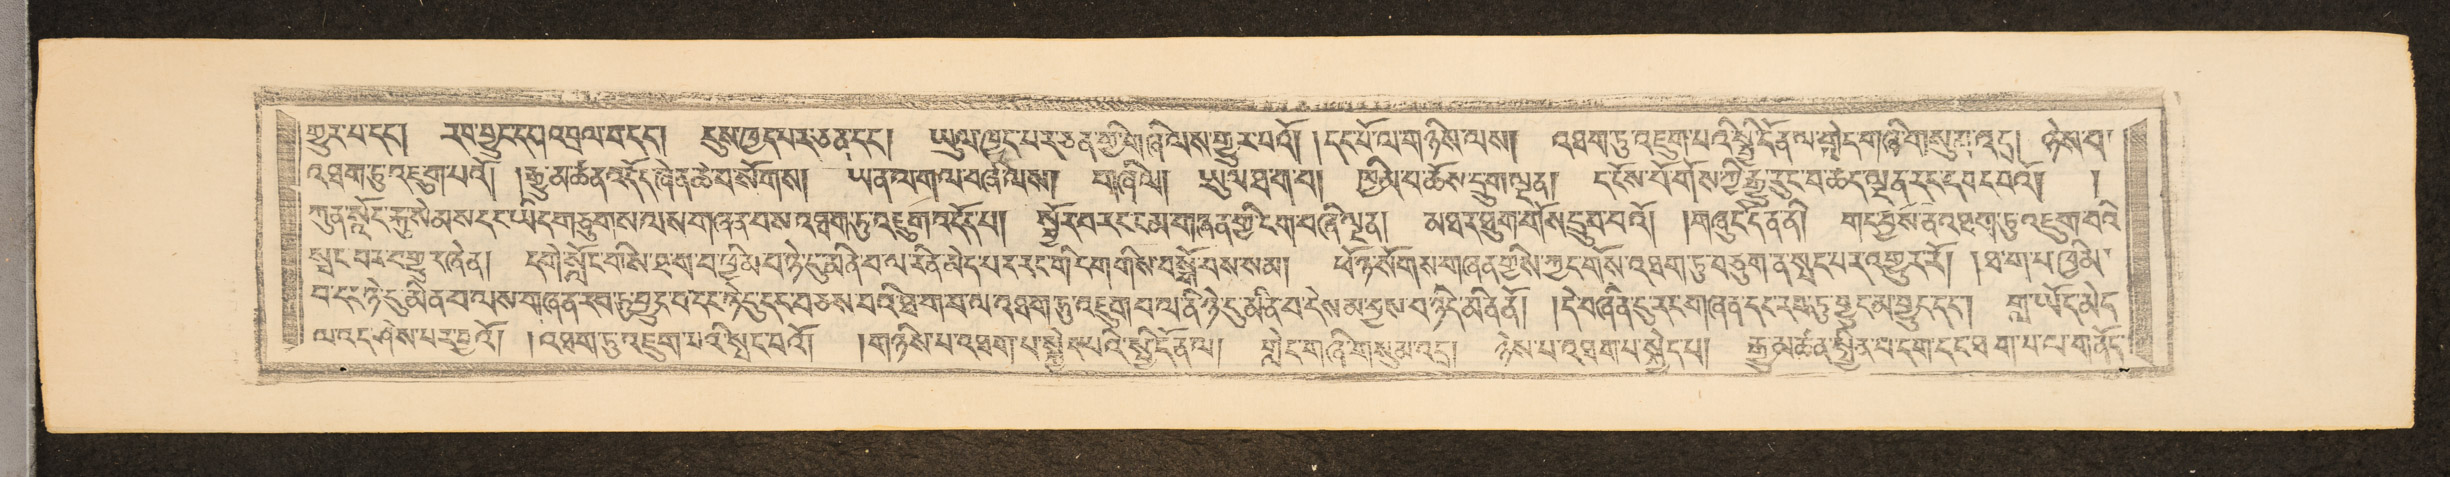གྱུར་བ་དང་། རབ་བྱུང་དང་། འབྲལ་བ་དང་། དུས་ཁྱད་པར་ཅན་དང་། ཡུལ་ཁྱད་པར་ཅན་གྱི་གཞི་ལས་གྱུར་བའོ། །དང་པོ་ལ་གཉིས་ལས། འཐག་ཏུ་འཇུག་པའི་སྤྱི་དོན་ལ་གླེང་གཞི་གསུམ་འདྲ། ཉེས་པ་
འཐག་ཏུ་འཇུག་པའོ། །རྒྱུ་མཚན་འདོད་ཞེན་ཆེ་བ་སོགས། ཡན་ལག་ལ་བཞི་ལས། གཞི་ལ། ཡུལ་ཐ་ག་པ། ཁྱིམ་བ་ཆོས་དྲུག་ལྡན། དངོས་པོ་གོས་ཀྱི་རྒྱུ་རུང་བ་ཚད་ལྡན་རང་དབང་པའོ། །
ཀུན་སློང་རྐུ་སེམས་དང་ཡིད་གཅུགས་ལས་གཞན་པས་འཐག་ཏུ་འཇུག་འདོད་པ། སྦྱོར་བ་རང་ངམ་གཞན་གྱི་དག་བཞི་ལྡན། མཐར་ཐུག་གོས་དྲུབ་པའོ། །གཞུང་དོན་ནི། གང་བྱས་ན་འཐག་ཏུ་འཇུག་པའི་
སྤང་བར་འགྱུར་ཞེན། དགེ་སློང་གིས་ཐག་པ་ཁྱིམ་པ་ཉེ་དུ་མིན་བ་ལ་རིན་མེད་བར་རང་གི་དག་གིས་བསྒོ་བས་སམ། ཕོ་ཉ་སོགས་གཞན་གྱིས་ཀྱང་གོས་འཐག་ཏུ་བཅུག་ན་སྤང་བར་འགྱུར་རོ། །ཐ་ག་པ་ཁྱིམ་
པ་དང་ཉེ་དུ་མིན་པ་ལས་གཞན་རབ་ཏུ་བྱུང་བ་དང་ཉེ་དུ་དང་བཅས་པའི་ཐ་ག་བ་ལ་འཐག་ཏུ་འཇུག་པ་ལ་ནི་ཉེ་དུ་མིན་བ་དེས་མ་བྱས་པ་ཉིད་མིན་ནོ། །དེ་བཞིན་དུ་རང་གཞན་དང་རབ་ཏུ་བྱུང་མ་བྱུང་བ་དང་། གླ་ཡོད་མེད་
ལའང་ཤེས་པར་བྱའོ། །འཐག་ཏུ་འཇུག་པའི་སྤང་བའོ། །གཉིས་པ་འཐག་པ་སྐྱེད་པའི་སྤྱི་དོན་ལ། གླེང་གཞི་གསུམ་འདྲ། ཉེས་བ་འཐག་པ་སྐྱེད་པ། རྒྱུ་མཚན་སྦྱིན་བདག་དང་ཐ་ག་པ་ལ་གནོད་